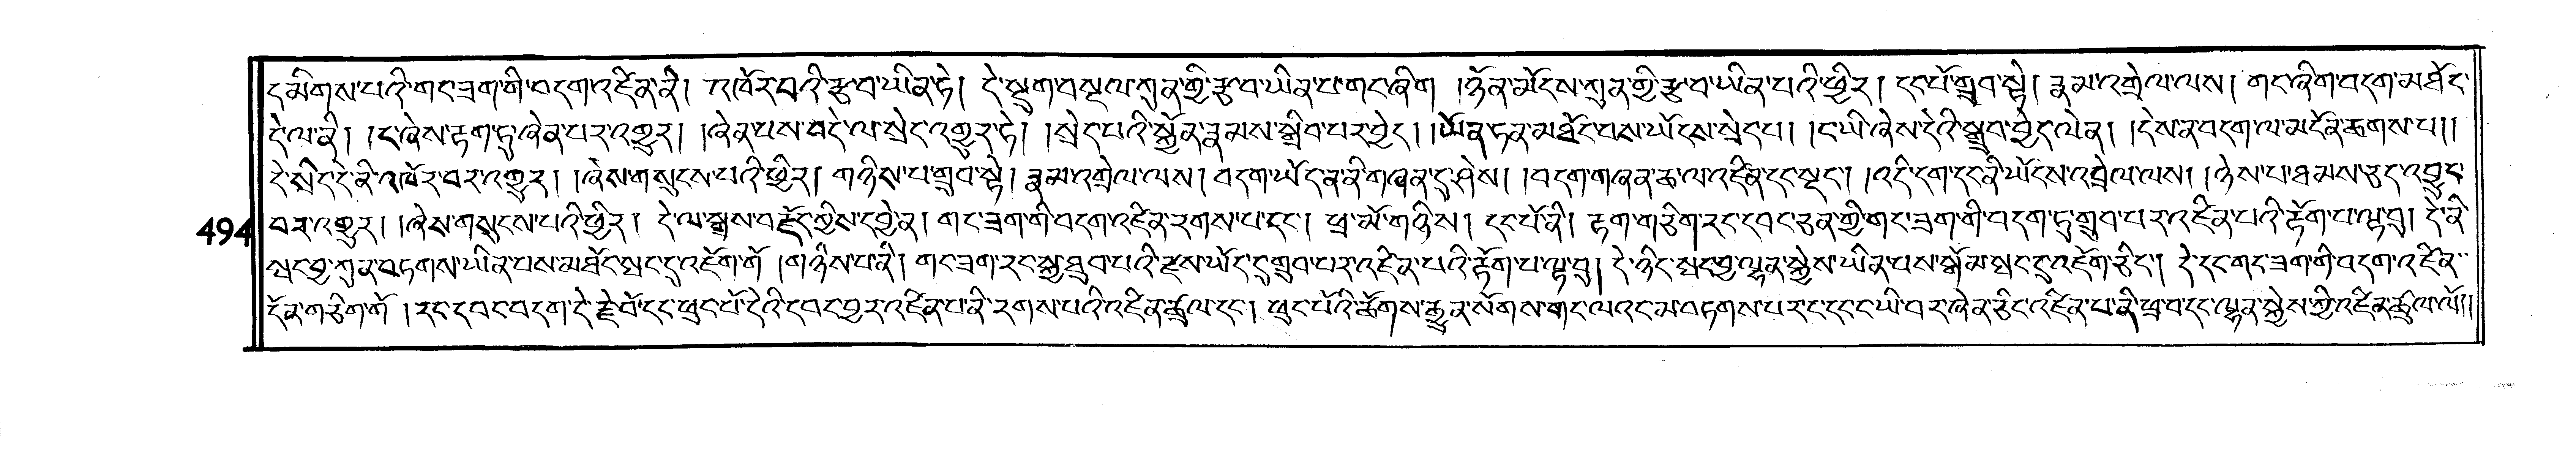དམིགས་པའི་གང་ཟག་གི་བདག་འཛིན་ནི། འཁོར་བའི་རྩ་བ་ཡིན་ཏེ། དེ་སྡུག་བསྔལ་ཀུན་གྱི་རྩ་བ་ཡིན་པ་གང་ཞིག །ཉོན་མོངས་ཀུན་གྱི་རྩ་བ་ཡིན་པའི་ཕྱིར། དང་པོ་གྲུབ་སྟེ། རྣམ་འགྲེལ་ལས། གང་ཞིག་བདག་མཐོང་
དེ་ལ་ནི། །ང་ཞེས་རྟག་ཏུ་ཞེན་པར་འགྱུར། །ཞེན་པས་བདེ་ལ་སྲེད་འགྱུར་ཏེ། །སྲེད་པའི་སྐྱོན་རྣམས་སྒྲིབ་པར་བྱེད། །ཡོན་ཏན་མཐོང་བས་ཡོངས་སྲེད་པ། །ང་ཡི་ཞེས་དེའི་སྒྲུབ་བྱེད་ལེན། །དེས་ན་བདག་ལ་མངོན་ཆགས་པ།།
དེ་སྲིད་དེ་ནི་འཁོར་བར་འགྱུར། །ཞེས་གསུངས་པའི་ཕྱིར། གཉིས་པ་གྲུབ་སྟེ། རྣམ་འགྲེལ་ལས། བདག་ཡོད་ན་ནི་གཞན་དུ་ཤེས། །བདག་གཞན་ཆ་ལ་འཛིན་དང་སྡང་། །འདི་དག་དང་ནི་ཡོངས་འབྲེལ་ལས། །ཉེས་པ་ཐམས་ཅད་འབྱུང་
བར་འགྱུར། །ཞེས་གསུངས་པའི་ཕྱིར། དེ་ལ་སྒྲས་བརྗོད་ཀྱིས་དབྱེ་ན། གང་ཟག་གི་བདག་འཛིན་རགས་པ་དང་། ཕྲ་མོ་གཉིས། དང་པོ་ནི། རྟག་གཅིག་རང་དབང་ཅན་གྱི་གང་ཟག་གི་བདག་ཏུ་གྲུབ་པར་འཛིན་པའི་རྟོག་པ་ལྟ་བུ། དེ་ནི་
སྤང་བྱ་ཀུན་བཏགས་ཡིན་པས་མཐོང་སྤང་དུ་འཇོག་གོ །གཉིས་པ་ནི། གང་ཟག་རང་སྐྱ་ཐུབ་པའི་རྫས་ཡོད་དུ་གྲུབ་པར་འཛིན་པའི་རྟོག་པ་ལྟ་བུ། དེ་ཉིད་སྤང་བྱ་ལྷན་སྐྱེས་ཡིན་པས་སྒོམ་སྤང་དུ་འཇོག་ཅིང་། དེ་དང་གང་ཟག་གི་བདག་འཛིན་
དོན་གཅིག་གོ །རང་དབང་བདག་དེ་རྗེ་བོ་དང་ཕུང་པོ་དེའི་དབང་བྱར་འཛིན་པ་ནི་རགས་པའི་འཛིན་ཚུལ་དང་། ཕུང་པོའི་ཚོགས་རྒྱུན་སོགས་གང་ལའང་མ་བཏགས་པར་ང་དང་ང་ཡི་བར་ཞེན་ཅིང་འཛིན་པ་ནི་ཕྲ་བ་དང་ལྷན་སྐྱེས་ཀྱི་འཛིན་ཚུལ་ལོ།།